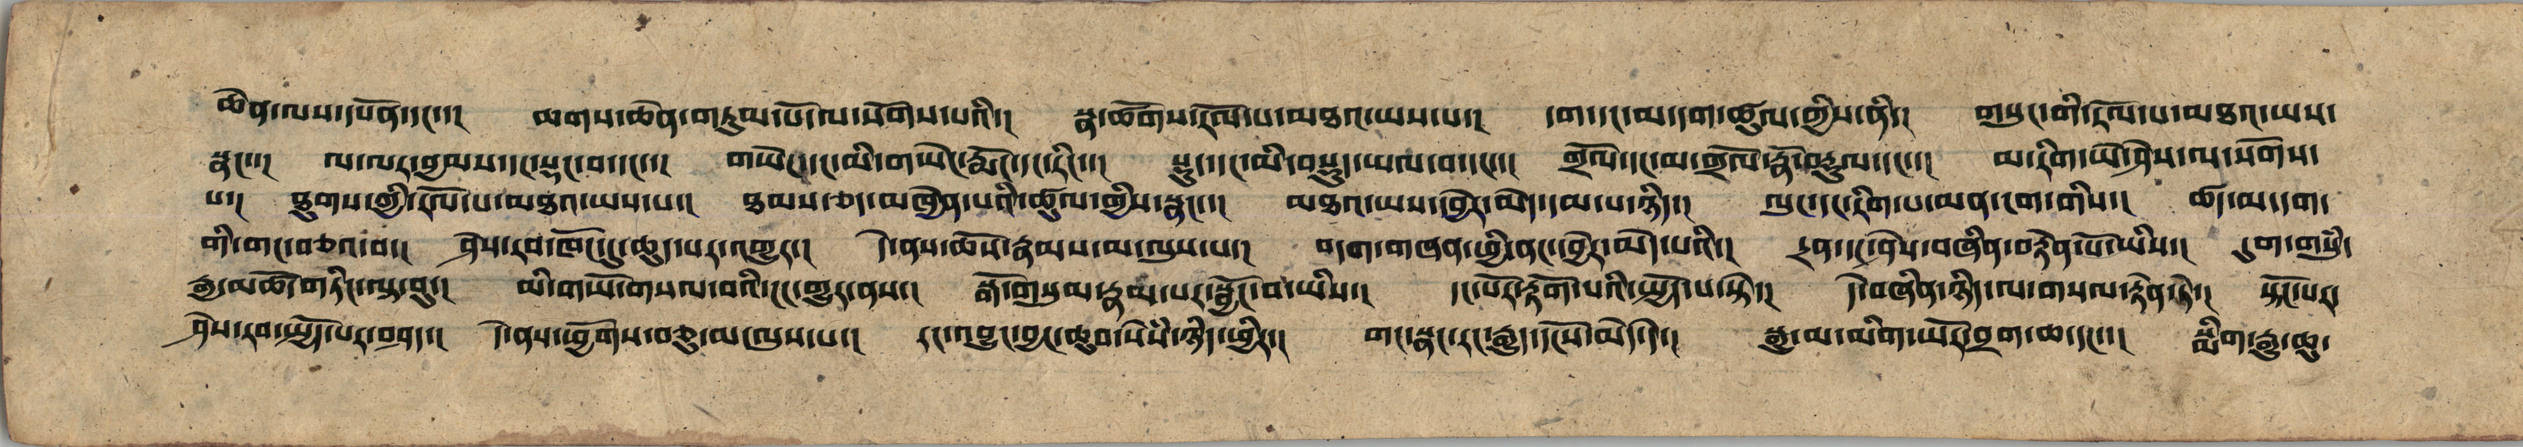ཆེན་ལས་དཔོན་དང་་། ཆགས་ཆེན་གཏུམ་པོ་ལ་སོགས་པའི་། སྣ་ཚོགས་རོལ་པ་མཐའ་ཡས་པ་། དག་དང་མ་དག་ཚུལ་གྱིས་ནི་། གསུང་གི་རོལ་པ་མཐའ་ཡས་
སྣང་་། ལ་ལར་བྱམས་དང་སྡང་བ་དང་་། གཡེང་དང་མི་གཡེང་རྨོང་དང་རིང་་། སྡུད་དང་མི་བསྡུད་ཡལ་བ་དང་་། གྲོལ་དང་མ་གྲོལ་རྣོ་བརྟུལ་དང་་། མ་རིག་ཡེ་ཤེས་ལ་སོགས་
པ་། ཐུགས་གྱི་རོལ་པ་མཐའ་ཡས་པ་། ཐམས་ཅད་མཁྱེན་པའི་ཚུལ་གྱིས་སྣང་་། མཐའ་ཡས་དབྱེར་མེད་དམ་པ་ཉིད་། ལུང་དང་རིག་པ་མན་ངག་གིས་། ཚད་མ་དག་
གི་གང་བཅའ་བ་། ཤེས་རབ་ཁོང་དུ་ཆུད་པར་འགྱུར་། དེ་ནས་ཆོས་རྣམས་མ་ལུས་པ་། བདག་གཞན་ཕྱི་ནང་དབྱེར་མེད་པའི་། དྲན་དང་ཤེས་བཞིན་བརྟེན་པོ་ཡིས་། དུག་གསུཾ་
རྒྱ་མཚོ་གཏིང་ལྟ་བུ་། མི་གཡོ་གསལ་བའི་ངང་གྱུར་ནས་། སྒོ་གསུམ་རྣམ་པར་སྦྱོང་བ་ཡིས་། དང་པོར་རྟོག་པའི་སྤྱོད་པ་སྟེ་། དེ་བཞིན་ཉིད་ལ་གསལ་རྟེན་ཏེ་། སྟོང་པར་
ཤེས་རབ་སྤྱོད་པར་བཤད་། དེ་ནས་ཕྱོགས་བཅུ་མ་ལུས་པ་། རང་འབྱུང་བྱང་ཆུབ་སེཾས་ཉིད་ཕྱིར་། གང་སྣང་རང་རྒྱུད་དངོས་མེད་དེ་། སྒྱུ་མ་མིག་ཡོར་བྲག་ཆ་དང་་། སྨིག་རྒྱུ་ཆུ་